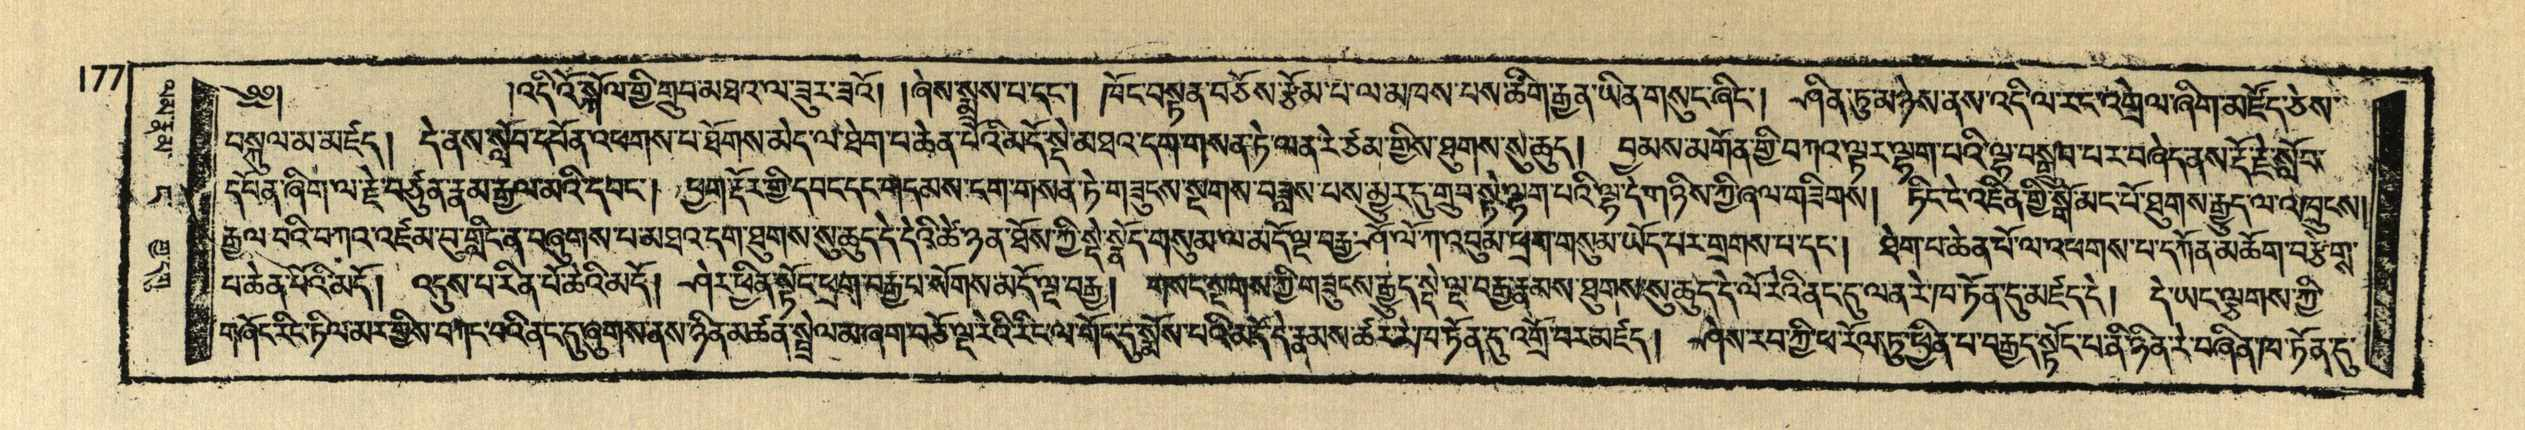༄༅། །འདི་འོ་སྐོལ་གྱི་གྲུབ་མཐའ་ལ་ཟུར་ཟའོ། །ཞེས་སྨྲས་པ་དང་། ཁོང་བསྟན་བཅོས་རྩོམ་པ་ལ་མཁས་པས་ཚིག་རྒྱན་ཡིན་གསུང་ཞིང་། ཤིན་ཏུ་མཉེས་ནས་འདི་ལ་རང་འགྲེལ་ཞིག་མཛོད་ཅེས་
བསྐུལ་མ་མཛད། དེ་ནས་སློབ་དཔོན་འཕགས་པ་ཐོགས་མེད་ལ་ཐེག་བ་ཆེན་པོའི་མདོ་སྡེ་མཐའ་དག་གསན་ཏེ་ལན་རེ་ཙམ་གྱིས་ཐུགས་སུ་ཆུད། བྱམས་མགོན་གྱི་བཀའ་ལྟར་ལྷག་པའི་ལྷ་བསྒྲུབ་པར་བཞེད་ནས་རྡོ་རྗེ་སློབ་
དཔོན་ཞིག་ལ་རྗེ་བཙུན་རྣམ་རྒྱལ་མའི་དབང་། ཕྱག་རྡོར་གྱི་དབང་དང་གདམས་ངག་གསན་ཏེ་གཟུངས་སྔགས་བཟླས་པས་མྱུར་དུ་གྲུབ་སྟེ་ལྷག་པའི་ལྷ་དེ་གཉིས་ཀྱི་ཞལ་གཟིགས། ཏིང་ངེ་འཛིན་གྱི་སྒོ་མང་པོ་ཐུགས་རྒྱུད་ལ་འཁྲུངས།
རྒྱལ་བའི་བཀའ་འཛམ་བུ་གླིང་ན་བཞུགས་པ་མཐའ་དག་ཐུགས་སུ་ཆུད་དེ་དེའི་ཚེ་ཉན་ཐོས་ཀྱི་སྡེ་སྣོད་གསུམ་ལ་མདོ་ལྔ་བརྒྱ་ཤོ་ལོ་ཀ་འབུམ་ཕྲག་གསུམ་ཡོད་པར་གྲགས་པ་དང་། ཐེག་པ་ཆེན་པོ་ལ་འཕགས་པ་དཀོན་མཆོག་བརྩེགས་
པ་ཆེན་པོའི་མདོ། འདུས་པ་རིན་པོ་ཆེའི་མདོ། ཤེར་ཕྱིན་སྟོང་ཕྲག་བརྒྱ་པ་སོགས་མདོ་ལྔ་བརྒྱ། གསང་སྔགས་ཀྱི་གཟུངས་རྒྱུད་སྡེ་ལྔ་བརྒྱ་རྣམས་ཐུགས་སུ་ཆུད་དེ་ལོ་རེའི་ནང་དུ་ལན་རེ་ཁ་ཏོན་དུ་མཛད་དེ། དེ་ཡང་ལྕགས་ཀྱི་
གཞོང་རིང་ཏིལ་མར་གྱིས་བཀང་བའི་ནང་དུ་ཞུགས་ནས་ཉིན་མཚན་སྤྲེལ་མ་ཞག་བཅོ་ལྔ་རེའི་རིང་ལ་གོང་དུ་སྨོས་པའི་མདོ་དེ་རྣམས་ཚར་རེ་ཁ་ཏོན་དུ་འགྲོ་བར་མཛད། ཤེས་རབ་ཀྱི་ཕ་རོལ་ཏུ་ཕྱིན་པ་བརྒྱད་སྟོང་པ་ནི་ཉིན་རེ་བཞིན་ཁ་ཏོན་དུ་